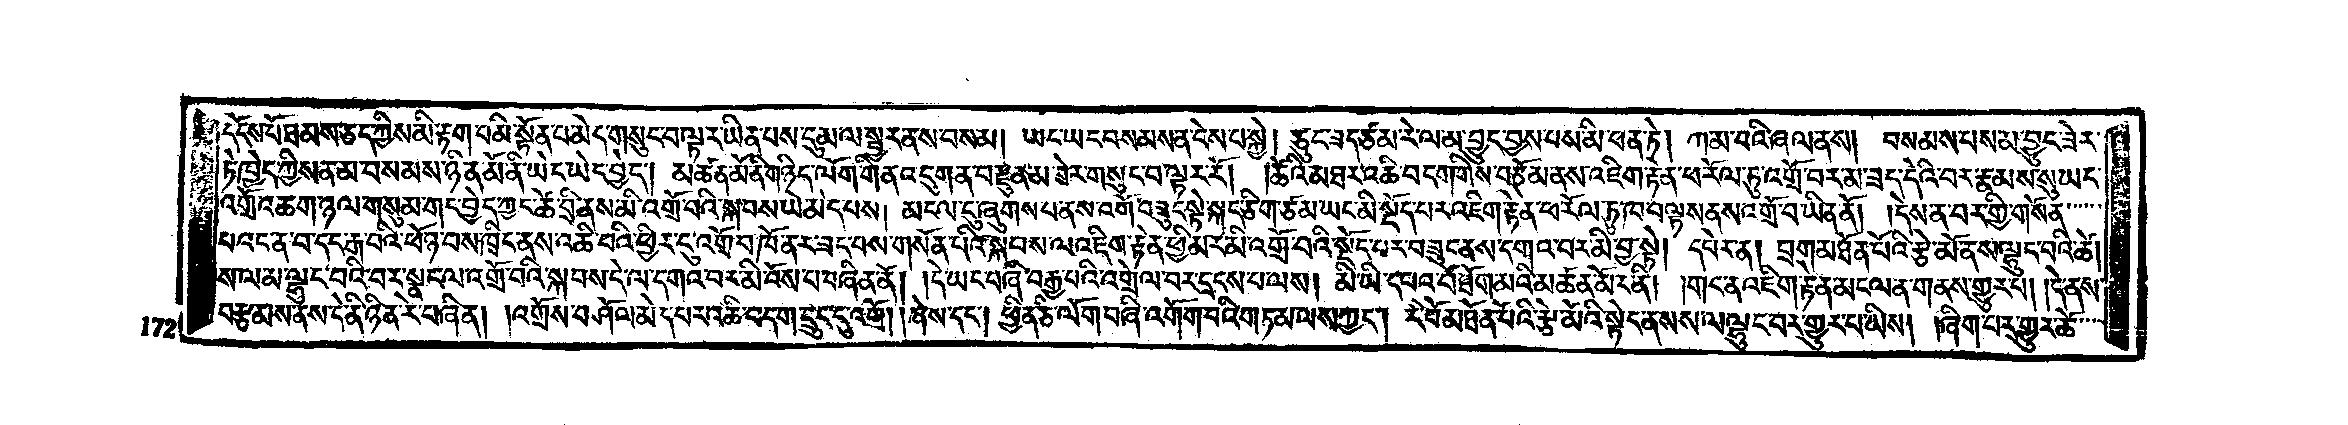དངོས་པོ་ཐམས་ཅད་ཀྱིས་མི་རྟག་པ་མི་སྟོན་པ་མེད་གསུང་བ་ལྟར་ཡིན་པས་དུ་མ་ལ་སྦྱར་ནས་བསམ། ཡང་ཡང་བསམས་ན་ངེས་པ་སྐྱེ། ཅུང་ཟད་ཙམ་རེ་ལ་མ་བྱུང་བྱས་པས་མི་ཕན་ཏེ། ཀ་མ་བའི་ཞལ་ནས། བསམས་པས་མ་བྱུང་ཟེར་
ཏེ་ཁྱེད་ཀྱིས་ནམ་བསམས་ཉིན་མོ་ནི་ཡེང་ཡེང་བྱེད། མཚན་མོ་ནི་གཉིད་ལོག་གི་ན་འདུག་ན་བརྫུན་མ་ཟེར་གསུང་བ་ལྟར་རོ། །ཚེའི་མཐར་འཆི་བདག་གིས་བཅོམ་ནས་འཇིག་རྟེན་ཕ་རོལ་ཏུ་འགྲོ་བར་མ་ཟད་དེའི་བར་རྣམས་སུ་ཡང་
འགྲོ་འཆག་ཉལ་གསུམ་གང་བྱེད་ཀྱང་ཚེ་བྲི་ནས་མི་འགྲོ་བའི་སྐབས་ཡེ་མེད་པས། མངལ་དུ་ཞུགས་པ་ནས་འགོ་བཟུང་སྟེ་སྐད་ཅིག་ཙམ་ཡང་མི་སྔོད་པར་འཇིག་རྟེན་ཕ་རོལ་ཏུ་ཁ་བལྟས་ནས་འགྲོ་བ་ཡིན་ནོ། །དེས་ན་བར་གྱི་གསོན་
པའང་ན་བ་དང་རྒ་བའི་ཕོ་ཉ་བས་ཁྲིད་ནས་འཆི་བའི་ཕྱིར་དུ་འགྲོ་བ་ཁོ་ནར་ཟད་པས་གསོན་པའི་སྐབས་ལ་འཇིག་རྟེན་ཕྱི་མར་མི་འགྲོ་བའི་སྔོད་པར་བཟུང་ནས་དགའ་བར་མི་བྱ་སྟེ། དཔེར་ན། བྲག་མཐོན་པོའི་རྩེ་མོ་ནས་ལྷུང་བའི་ཚེ།
ས་ལ་མ་ལྷུང་བའི་བར་སྣང་ལ་འགྲོ་བའི་སྐབས་དེ་ལ་དགའ་བར་མི་འོས་པ་བཞིན་ནོ། །དེ་ཡང་བཞི་བརྒྱ་པའི་འགྲེལ་བར་དྲངས་པ་ལས། མི་ཡི་དཔའ་བོ་ཐོག་མའི་མཚན་མོར་ནི། །གང་ན་འཇིག་རྟེན་མང་ལན་གནས་གྱུར་པ། །དེ་ནས་
བརྩམས་ནས་དེ་ནི་ཉིན་རེ་བཞིན། །འགྲོས་བཤོལ་མེད་པར་འཆི་བདག་དྲུང་དུ་འགྲོ། །ཞེས་དང་། ཕྱིན་ཅི་ལོག་བཞི་འགོག་པའི་གཏམ་ལས་ཀྱང་། རི་བོ་མཐོན་པོའི་རྩེ་མོའི་སྟེང་ནས་ས་ལ་ལྷུང་བར་གྱུར་པ་ཡིས། །ཞིག་པར་གྱུར་ཚེ་